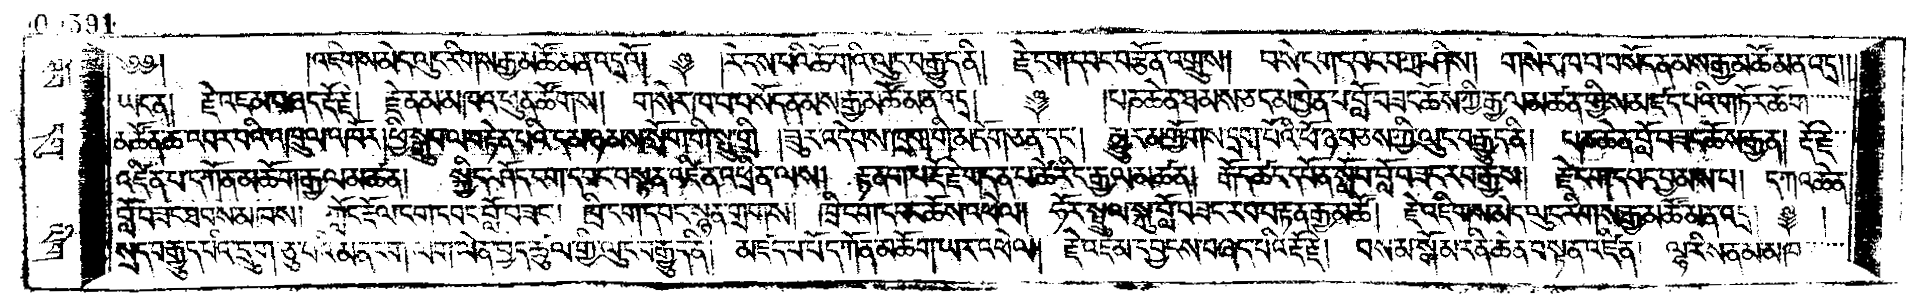༄༅། །འཇིགས་མེད་ལུང་རིགས་རྒྱ་མཚོ་མན་འདྲའོ། ༈ །རེངས་པའི་ཆོ་གའི་ལུང་བརྒྱུད་ནི། རྗེ་ངག་དབང་བརྩོན་འགྲུས། བསེ་ངག་དབང་བཀྲ་ཤིས། གསེར་ཁ་བ་བསོད་ནམས་རྒྱ་མཚོ་མན་འདྲ། །
ཡང་ན། རྗེ་འཇམ་བཞད་རྡོ་རྗེ། རྗེ་ནམ་མཁའ་ཕུན་ཚོགས། གསེར་ཁ་བ་བསོད་ནམས་རྒྱ་མཚོ་མན་འདྲ། ༈ །པཎ་ཆེན་ཐམས་ཅད་མཁྱེན་པ་བློ་བཟང་ཆོས་ཀྱི་རྒྱལ་མཚན་གྱིས་མཛད་པའི་གཏོར་ཆོག་
མཚོན་ཆ་འབར་བའི་འཁྲུལ་འཁོར་།ཕྱི་སྒྲུབ་ལ་བརྟེན་པའི་དམ་ཉམས་སྲོག་གི་སྤུ་གྲི་།ཟུར་འདེབས་ཁྲག་གི་མདོག་ཅན་དང་། མྱུར་མགྱོགས་དྲག་པོའི་ཕོ་ཉ་བཅས་ཀྱི་ལུང་བརྒྱུད་ནི། པཎ་ཆེན་བློ་བཟང་ཆོས་རྒྱན། རྡོ་རྗེ་
འཛིན་པ་དཀོན་མཆོག་རྒྱལ་མཚན། སྐྱིད་ཤོད་ངག་དབང་བསྟན་འཛིན་འཕྲིན་ལས། རྟ་ནག་པ་རྡོ་རྗེ་གདན་པ་ཚེ་རིང་རྒྱལ་མཚན། རྒོད་ཚང་དཔོན་སློབ་བློ་བཟང་རབ་རྒྱས། རྗེ་ངག་དབང་བྱམས་པ། དཀའ་ཆེན་
བློ་བཟང་ཐབས་མཁས། ཀློང་རྡོལ་ངག་དབང་བློ་བཟང་། ཁྲི་ངག་དབང་སྙན་གྲགས། ཁྲི་ངག་དབང་ཆོས་འཕེལ། ཧོར་སྤྲུལ་སྐུ་བློ་བཟང་རབ་བརྟན་རྒྱ་མཚོ། རྗེ་འཇིགས་མེད་ལུང་རིགས་རྒྱ་མཚོ་མན་འདྲ། ༈ །
སྲད་བརྒྱུད་པའི་དྲུག་ཅུ་པའི་མན་ངག་ལག་ལེན་བྱེད་ཚུལ་གྱི་ལུང་བརྒྱུད་ནི། མཛད་པ་པོ་དཀོན་མཆོག་ཡར་འཕེལ། རྗེ་འཇམ་དབྱངས་བཞད་པའི་རྡོ་རྗེ། བསམ་སྒོམ་རིན་ཆེན་བསྟན་འཛིན། ལྷ་རིས་ནམ་མཁའ་